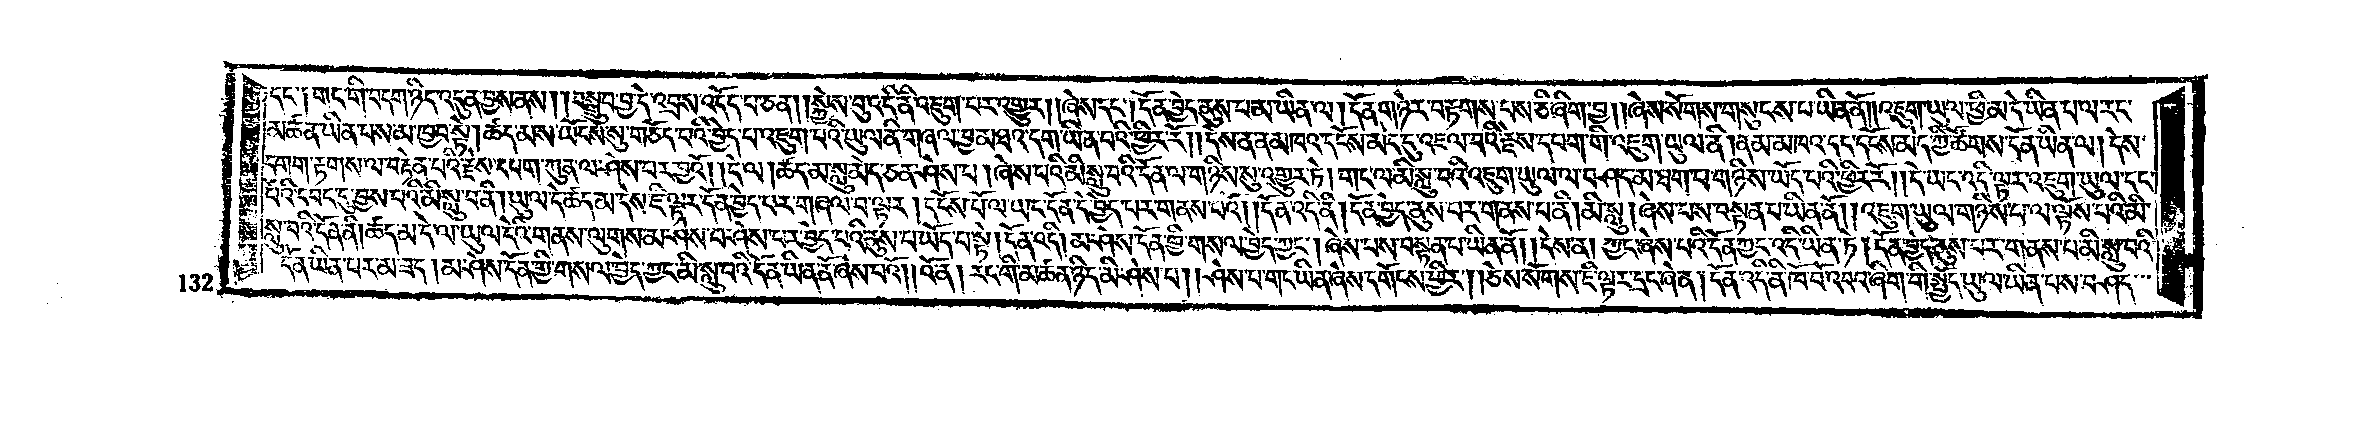དང་། གང་གི་བདག་ཉིད་འདུན་བྱས་ནས། །བསྒྲུབ་བྱ་དེ་འབྲས་འདོད་པ་ཅན། །སྐྱེས་བུ་འདི་ནི་འཇུག་པར་འགྱུར། །ཞེས་དང་། དོན་བྱེད་ནུས་པ་མ་ཡིན་ལ། དོན་གཉེར་བརྟགས་པས་ཅི་ཞིག་བྱ། །ཞེས་སོགས་གསུངས་པ་ཡིན་ནོ། །འཇུག་ཡུལ་ཕྱི་མ་དེ་ཡིན་པ་ལ་རང་
མཚན་ཡིན་པས་མ་ཁྱབ་སྟེ། ཚད་མས་ཡོངས་སུ་གཅོད་པའི་བྱེད་པ་འཇུག་པའི་ཡུལ་ནི་གཞལ་བྱ་མཐའ་དག་ཡིན་པའི་ཕྱིར་རོ། །དེས་ན་ནམ་མཁའ་དངོས་མེད་དུ་འཇལ་བའི་རྗེས་དཔག་གི་འཇུག་ཡུལ་ནི། ནམ་མཁའ་དང་དངོས་མེད་ཀྱི་ཚོགས་དོན་ཡིན་ལ། དེས་
དགག་རྟགས་ལ་བརྟེན་པའི་རྗེས་དཔག་ཀུན་ལ་ཤེས་པར་བྱའོ། །དེ་ལ། ཚད་མ་སླུ་མེད་ཅན་ཤེས་པ། ཞེས་པའི་མི་སླུ་བའི་དོན་ལ་གཉིས་སུ་འགྱུར་ཏེ། གང་ལ་མི་སླུ་བའི་འཇུག་ཡུལ་ལ་བཤད་མ་ཐག་པ་གཉིས་ཡོད་པའི་ཕྱིར་རོ། །དེ་ཡང་འདི་ལྟར་འཇུག་ཡུལ་དང་
པོའི་དབང་དུ་བྱས་པའི་མི་སླུ་བ་ནི། ཡུལ་དེ་ཚད་མ་དེས་ཇི་ལྟར་དོན་བྱེད་པར་གཞལ་བ་ལྟར། དངོས་པོ་ལ་ཡང་དོན་དེ་བྱེད་པར་གནས་པའོ། །དོན་འདི་ནི། དོན་བྱེད་ནུས་པར་གནས་པ་ནི། མི་སླུ། ཞེས་པས་བསྟན་པ་ཡིན་ནོ། །འཇུག་ཡུལ་གཉིས་པ་ལ་ལྟོས་པའི་མི་
སླུ་བའི་དོན་ནི། ཚད་མ་དེ་ལ་ཡུལ་དེའི་གནས་ལུགས་མ་ཤེས་པ་ཤེས་པར་བྱེད་པའི་ནུས་པ་ཡོད་པ་སྟེ། དོན་འདི། མ་ཤེས་དོན་གྱི་གསལ་བྱེད་ཀྱང་། ཞེས་པས་བསྟན་པ་ཡིན་ནོ། །དེས་ན། ཀྱང་ཞེས་པའི་དོན་ཀྱང་འདི་ཡིན་ཏེ། དོན་བྱེད་ནུས་པར་གནས་པ་མི་སླུ་བའི་
དོན་ཡིན་པར་མ་ཟད། མ་ཤེས་དོན་གྱི་གསལ་བྱེད་ཀྱང་མི་སླུ་བའི་དོན་ཡིན་ནོ་ཞེས་པའོ། །འོ་ན། རང་གི་མཚན་ཉིད་མི་ཤེས་པ། །ཤེས་པ་གང་ཡིན་ཞེས་དགོངས་ཕྱིར། །ཅེས་སོགས་ཇི་ལྟར་དྲང་ཞེ་ན། དོན་འདི་ནི་ཁོ་བོ་འབའ་ཞིག་གི་སྤྱོད་ཡུལ་ཡིན་པས་བཤད་